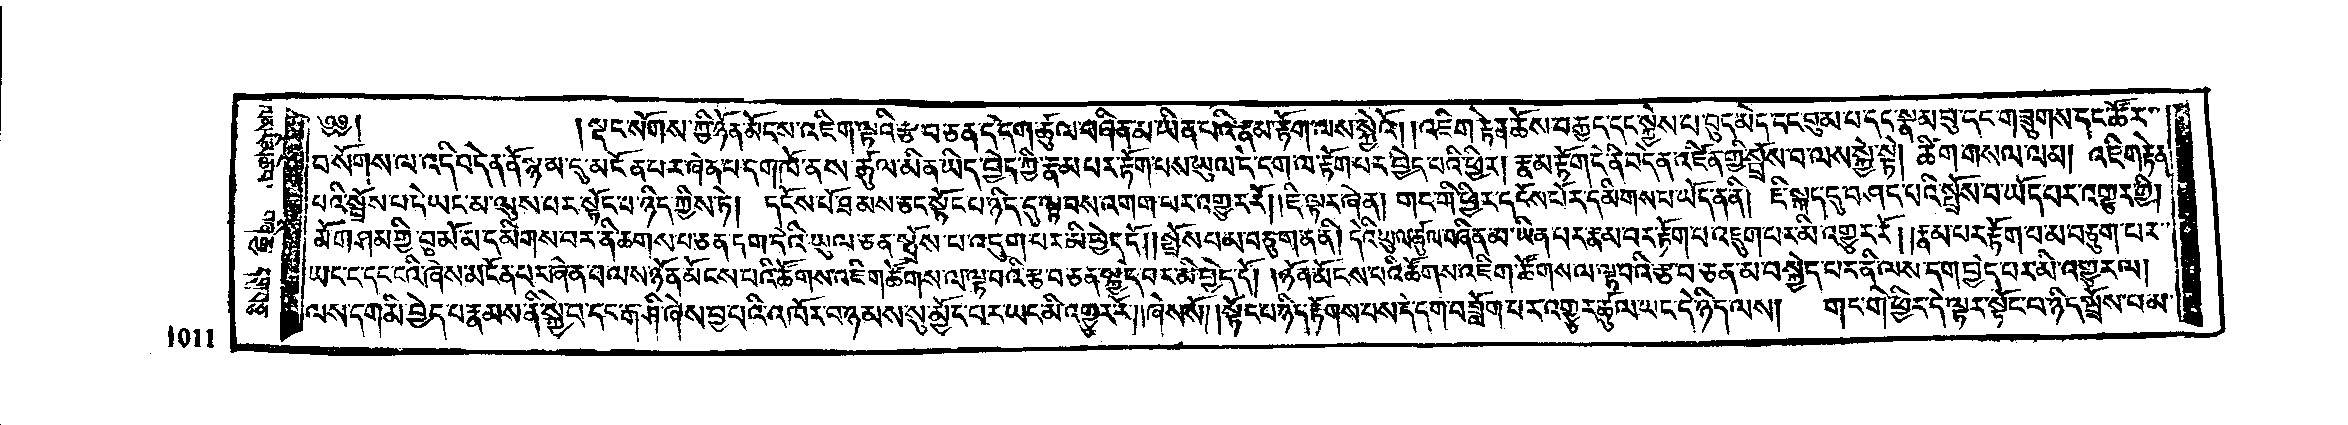༄༅། །སྡང་སོགས་ཀྱི་ཉོན་མོངས་འཇིག་ལྟའི་རྩ་བ་ཅན་དེ་དག་ཚུལ་བཞིན་མ་ཡིན་པའི་རྣམ་རྟོག་ལས་སྐྱེའོ། །འཇིག་རྟེན་ཆོས་བརྒྱད་དང་སྐྱེས་པ་བུད་མེད་དང་བུམ་པ་དང་སྣམ་བུ་དང་གཟུགས་དང་ཚོར་
བ་སོགས་ལ་འདི་བདེན་ནོ་སྙམ་དུ་མངོན་པར་ཞེན་པ་དག་ཁོ་ནས་ཚུལ་མིན་ཡིད་བྱེད་ཀྱི་རྣམ་པར་རྟོག་པས་ཡུལ་དེ་དག་ལ་རྟོག་པར་བྱེད་པའི་ཕྱིར། རྣམ་རྟོག་དེ་ནི་བདེན་འཛིན་གྱི་སྤྲོས་པ་ལས་སྐྱེ་སྟེ། ཚིག་གསལ་ལས། འཇིག་རྟེན་
པའི་སྤྲོས་པ་དེ་ཡང་མ་ལུས་པར་སྟོང་པ་ཉིད་ཀྱིས་ཏེ། དངོས་པོ་ཐམས་ཅད་སྟོང་པ་ཉིད་དུ་ལྟ་བས་འགག་པར་འགྱུར་རོ། །ཇི་ལྟར་ཞེ་ན། གང་གི་ཕྱིར་དངོས་པོར་དམིགས་པ་ཡོད་ན་ནི། ཇི་སྐད་དུ་བཤད་པའི་སྤྲོས་པ་ཡོད་པར་འགྱུར་གྱི།
མོ་གཤམ་གྱི་བུ་མོ་མ་དམིགས་པར་ནི་ཆགས་པ་ཅན་དག་དེའི་ཡུལ་ཅན་སྤྲོས་པ་འཇུག་པར་མི་བྱེད་དོ། །སྤྲོས་པ་མ་བཅུག་ན་ནི། དེའི་ཡུལ་ཚུལ་བཞིན་མ་ཡིན་པར་རྣམ་པར་རྟོག་པ་འཇུག་པར་མི་འགྱུར་རོ། །རྣམ་པར་རྟོག་པ་མ་བཅུག་པར་
ཡང་ང་དང་ངའི་ཞེས་མངོན་པར་ཞེན་པ་ལས་ཉོན་མོངས་པའི་ཚོགས་འཇིག་ཚོགས་ལ་ལྟ་བའི་རྩ་བ་ཅན་སྐྱེད་པར་མི་བྱེད་དོ། །ཉོན་མོངས་པའི་ཚོགས་འཇིག་ཚོགས་ལ་ལྟ་བའི་རྩ་བ་ཅན་མ་བསྐྱེད་པར་ནི་ལས་དག་བྱེད་པར་མི་འགྱུར་ལ།
ལས་དག་མི་བྱེད་པ་རྣམས་ནི་སྐྱེ་བ་དང་རྒ་ཤི་ཞེས་བྱ་བའི་འཁོར་བ་ཉམས་སུ་མྱོང་བར་ཡང་མི་འགྱུར་རོ། །ཞེས་སོ། །སྟོང་པ་ཉིད་རྟོགས་པས་དེ་དག་བཟློག་པར་འགྱུར་ཚུལ་ཡང་དེ་ཉིད་ལས། གང་གི་ཕྱིར་དེ་ལྟར་སྟོང་པ་ཉིད་སྤྲོས་པ་མ་